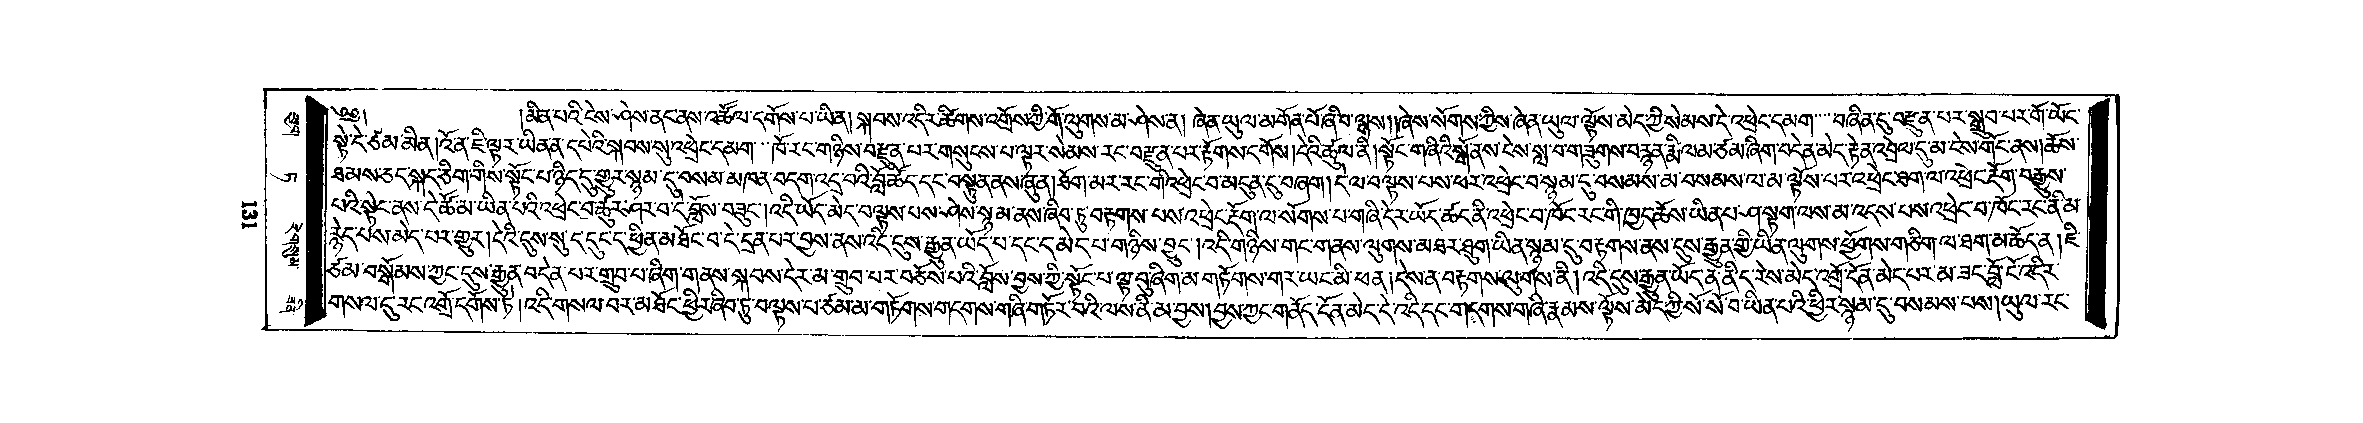༄༅། །མིན་པའི་ངེས་ཤེས་ནང་ནས་འཚོལ་དགོས་པ་ཡིན། སྐབས་འདིར་ཚིགས་འགྲོས་ཀྱི་གོ་ལུགས་མ་ཤེས་ན། ཞེན་ཡུལ་མགོན་པོ་ཞིབ་ལྷས། །ཞེས་སོགས་ཀྱིས་ཞེན་ཡུལ་ལྟོས་མེད་ཀྱི་སེམས་དེ་འཕྲེང་དམག་བཞིན་དུ་བརྫུན་པར་སྒྲུབ་པར་གོ་ཡོང་
སྟེ་དེ་ཙམ་མིན། འོ་ན་ཇི་ལྟར་ཡིན་ན་དཔེའི་སྐབས་སུ་འཕྲེང་དམག་ཁོ་རང་གཉིས་བརྫུན་པར་གསུངས་པ་ལྟར་སེམས་རང་བརྫུན་པར་རྟོགས་དགོས། དེའི་ཚུལ་ནི། སྟོང་གཞིའི་སྒོ་ནས་ངེས་སླ་བ་གཟུགས་བརྙན་རྨི་ལམ་ཙམ་ཞིག་བདེན་མེད་རྟེན་འབྲེལ་དུ་མ་ངེས་གོང་ནས། ཆོས་
ཐམས་ཅད་སྐད་ཅིག་གིས་སྟོང་པ་ཉིད་དུ་གྱུར་སྙམ་དུ་བསམ་མཁན་བདག་འདྲ་བའི་བློ་ཚོད་དང་བསྟུན་ནས་ཞུ་ན། ཐོག་མར་རང་གི་འཕྲེང་བ་མདུན་དུ་བཞག །དེ་ལ་བལྟས་པས་ཕར་འཕྲེང་བ་སྙམ་དུ་བསམས་མ་བསམས་ལ་མ་ལྟོས་པར་འཕྲེང་ཐག་ལ་འཕྲེང་རྡོག་བརྒྱུས་
པའི་སྟེང་ནས་དེ་ཚོ་མ་ཡིན་པའི་འཕྲེང་བ་ཚུར་ཤར་བ་དེ་བློས་བཟུང་། འདི་ཡོད་མེད་བལྟས་པས་ཤེས་སྙམ་ནས་ཞིབ་ཏུ་བརྟགས་པས་འཕྲེང་རྡོག་ལ་སོགས་པ་གཞི་དེར་ཡོད་ཚད་ནི་འཕྲེང་བ་ཁོང་རང་གི་ཁྱད་ཆོས་ཡིན་པ་ཤ་སྟག་ལས་མ་འདས་པས་འཕྲེང་བ་ཁོང་རང་ནི་མ་
རྙེད་པས་མེད་པར་གྱུར། དེའི་དུས་སུ་ད་དུང་ད་ཕྱིན་མཐོང་བ་དེ་དྲན་པར་བྱས་ནས་འདི་དུས་རྒྱུན་ཡོད་པ་དང་ད་མེད་པ་གཉིས་བྱུང་། འདི་གཉིས་གང་གནས་ལུགས་མཐར་ཐུག་ཡིན་སྙམ་དུ་བརྟགས་ནས་དུས་རྒྱུན་གྱི་ཡིན་ལུགས་ཕྱོགས་གཅིག་ལ་ཐག་མཆོད་ན། ཇི་ཙམ་བསྒོམས་ཀྱང་དུས་རྒྱུན་བདེན་པར་གྲུབ་པ་ཞིག་གནས་སྐབས་དེར་མ་གྲུབ་པར་བཅོས་པའི་བློས་བྱས་ཀྱི་སྟོང་པ་ལྟ་བུ་ཞིག་མ་གཏོགས་གར་ཡང་མི་ཕན། དེས་ན་བརྟགས་ལུགས་ནི། འདི་དུས་རྒྱུན་ཡོད་ན་ནི་ད་རེས་མེད་འགྲོ་དོན་མེད་པར་མ་ཟད་བློ་ངོ་འདིར་
གསལ་དུ་རང་འགྲོ་དགོས་ཏེ། འདི་གསལ་བར་མཐོང་ཕྱིར་ཞིབ་ཏུ་བལྟས་པ་ཙམ་མ་གཏོགས་གདགས་གཞི་གཏོར་བའི་ལས་ནི་མ་བྱས། བྱས་ཀྱང་གནོད་དོན་མེད་དེ་འདི་དང་གདགས་གཞི་རྣམས་ལྟོས་མེད་ཀྱི་སོ་སོ་བ་ཡིན་པའི་ཕྱིར་སྙམ་དུ་བསམས་པས། ཡུལ་རང་